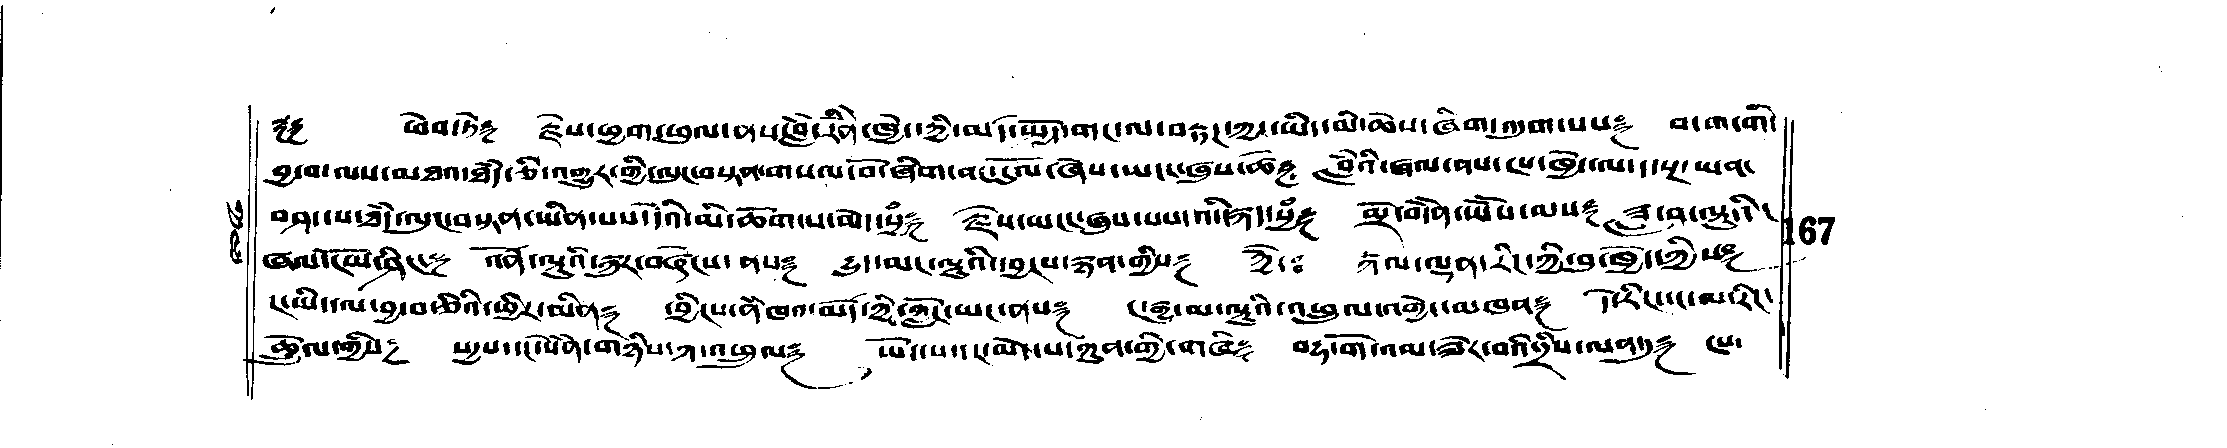ཕེབས་ཏེ། རྗེས་ཕྱག་ཕུལ་ནས་བླ་མ་རིན་པོ་ཆེ་ཁྱོད་ཀྱི་མཛད་སྤྱོད་གང་ལ་བརྟགས་ཀྱང་ཡིད་མི་ཆེས་ཞིག་འདུག་པས། བདག་གི་
བྱ་བ་ལས་མཐའ་ཐམས་ཅད་ཅི་འགྱུར་གྱི་ལུང་བསྟན་གསལ་པོ་ཞིག་གནང་དུ་གསོལ་ཞེས་ཡང་ཡང་ཞུས་ཚེ། བླ་མའི་ཞལ་ནས་ངས་ཁྱེད་ལ་ད་སྔ་ཡན་
བཤད་པ་ཐམས་ཅད་ལུང་བསྟན་ཡིན་པས་དེའི་མི་ཆོག་པ་མེད་གསུངས། རྗེས་ཡང་ཡང་ཞུས་པས་འདི་སྐད་གསུང་། མཁའ་འགྲོ་བདེ་ཆེན་ཡེ་ཤེས་མས། །ཟླ་བ་ལྟ་བུའི་
ཞལ་ངོམ་ཤིང་། །འོད་ཟེར་ལྟ་བུའི་སྐུར་བཞེངས་ནས། །རྒྱུད་མང་ལྟ་བུའི་དབྱངས་སྙན་གྱིས། ཀྱཻཿ སྐལ་ལྡན་རིགས་ཀྱི་བུ་ཁྱོད་ཀྱིས། །
ང་ཡིད་ལ་བྱ་བ་ཅིའི་ཕྱིར་མིན། །དབྱིངས་ནམ་མཁའ་མཛོད་ཀྱི་ཀློང་ཡང་ནས། །ང་སྒྱུ་མ་ལྟ་བུའི་འཕྲུལ་འགྱེད་མཁན། །དེ་རིག་དང་མ་རིག་
ཆོ་འཕྲུལ་གྱིས། །སངས་རྒྱས་དང་སེམས་ཅན་གཉིས་ཀ་འཕྲུལ། །ཡོད་པ་དང་མེད་པ་ཀུན་གྱི་གཞི། །བརྡ་གོ་འམ་ཟེར་བའི་དྲིས་ལན་དུ། །ངས་